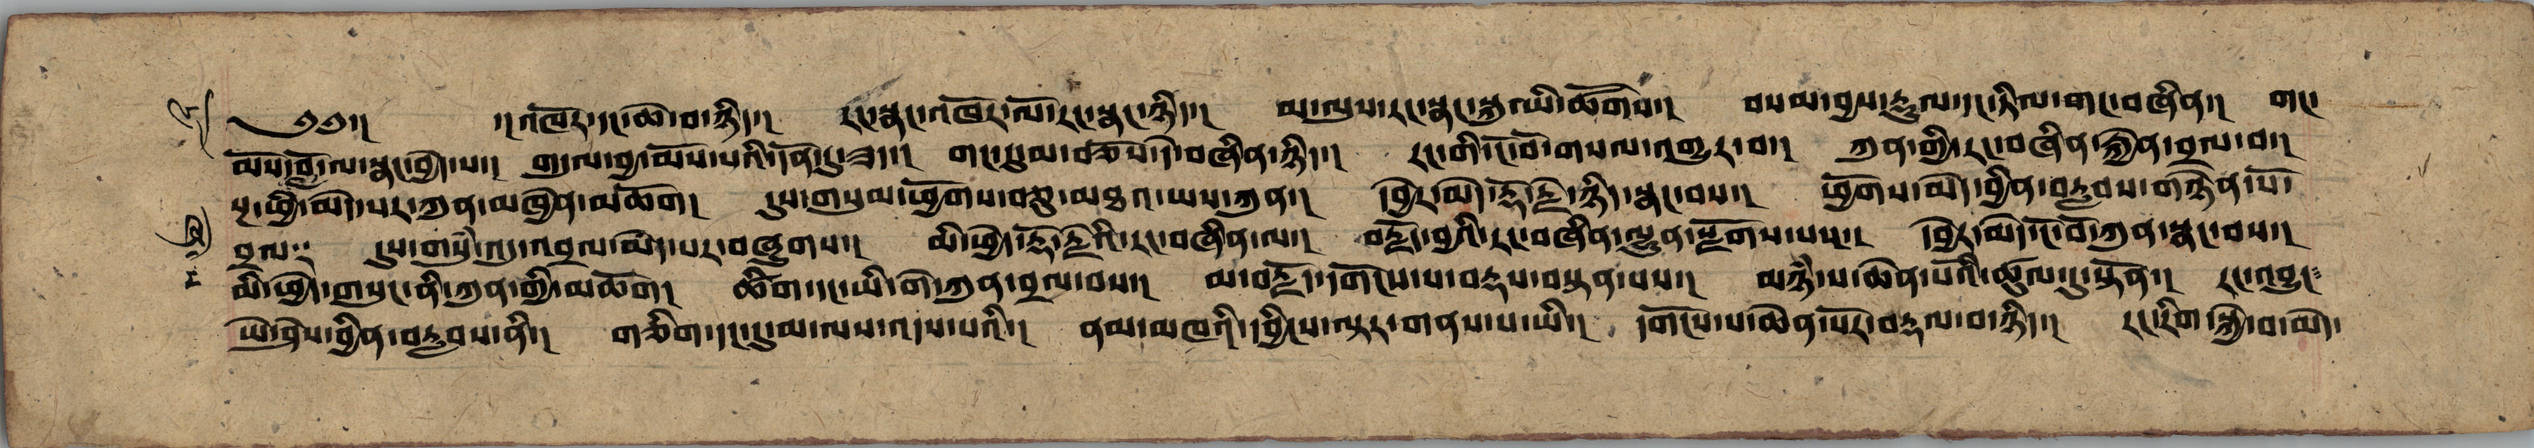༄༅་། ་།འཁོར་དང་ཆེ་བ་ཉིད་། རང་སྣང་འཁོར་ལོ་རང་སྣང་ཉིད་། མ་ལུས་རང་སྣང་སྐུ་ཡི་ཚོགས་། བསམ་བྱས་རྡུལ་དང་ཏིལ་གང་བཞིན་། གང་
མོས་བློ་ལ་སྣང་བྱེད་པ་། གདུལ་བྱ་མོས་པའི་དོན་དུ་ཟད་། གང་དུ་མ་བཅོས་དེ་བཞིན་ཉིད་། རང་གི་ངོ་བོ་གསལ་འགྱུར་བ་། ཀུན་གྱི་རང་བཞིན་རྐྱེན་བྲལ་བ་།
སྔ་ཕྱི་མེད་པར་ཀུན་མཁྱེན་མཆོག། དུས་གསུམ་ཕྱོགས་བཅུ་མཐའ་ཡས་ཀུན་། དབྱེར་མེད་རྡོ་རྗེ་ཉིད་སྣང་བས་། ཕྱོགས་མེད་བྱིན་བརླབས་གཉེན་པོ་
བྲལ༑ དུས་གསུཾ་འདུ་བྲལ་མེད་པར་བཞུགས་། མི་ཕྱེད་རྡོ་རྗེའི་རང་བཞིན་ལ་། བརྗོད་བྱའི་རང་བཞིན་ལྷུན་སྫོགས་པས་། དབྱེར་མེད་ངོ་བོ་ཀུན་སྣང་བས་།
མི་ཕྱེད་གསུང་ནི་ཀུན་གྱི་མཆོག། ཚིག་དང་ཡི་གེ་ཀུན་བྲལ་བས་། མ་བརྗོད་དགོངས་པ་བརྡས་བསྟན་པས་། མཉཾ་པ་ཆེན་པོའི་ཚུལ་དུ་སྟོན་། རང་འབྱུང་
ཡེ་ཤེས་བྱིན་བརླབས་ནི་། གཅིག་དང་དུ་མ་ལས་འདས་པའི་། ནམ་མཁའི་དབྱིངས་ལྟར་གནས་པ་ཡི་། དགོངས་པ་ཆེན་པོར་བརྡལ་བ་ཉིད་། རང་རིག་སྐྱེ་བ་མེད་